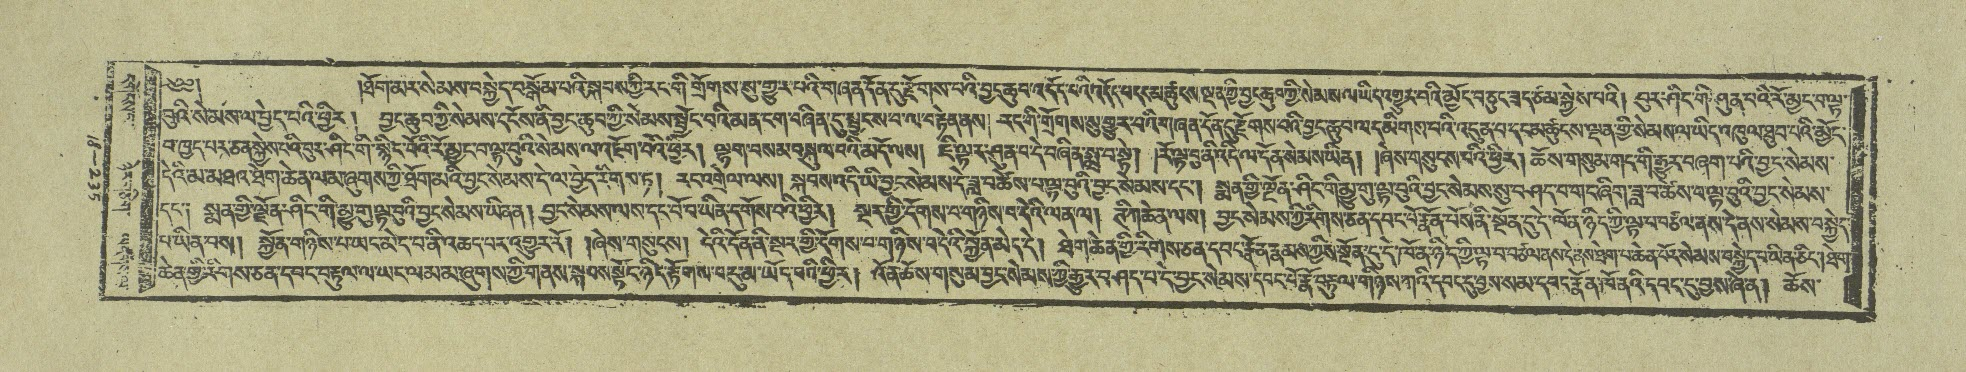༄༅། །ཐོག་མར་སེམས་བསྐྱེད་བསྒོམ་པའི་སྐབས་ཀྱི་རང་གི་གོགས་སུ་གྱུར་པའི་གཞན་དོན་དུ་རྫོགས་པའི་བྱང་ཆུབ་འདོད་པའི་འདོད་པ་དང་མཚུངས་ལྡན་གྱི་བྱང་ཆུབ་ཀྱི་སེམས་ལ་ཡིད་འགྱུར་བའི་མྱོང་བ་ཅུང་ཟད་ཙམ་སྐྱེས་པའི། བུར་ཤིང་གི་ཤུན་པའི་རོ་མྱང་བ་ལྟ་
བུའི་སེམས་ལ་བྱེད་པའི་ཕྱིར། །བྱང་ཆུབ་ཀྱི་སེམས་དངོས་ནི་བྱང་ཆུབ་ཀྱི་སེམས་སྦྱོང་བའི་མན་ངག་བཞིན་དུ་སྦྱངས་པ་ལ་བརྟེན་ནས། རང་གི་གྲོགས་སུ་གྱུར་བའི་གཞན་དོན་དུ་རྫོགས་པའི་བྱང་ཆུབ་ལ་དམིགས་པའི་འདུན་པ་དང་མཚུངས་ལྡན་གྱི་སེམས་ལ་ཡིད་འཁུལ་ཐུབ་པའི་མྱོང་
བ་ཁྱད་པར་ཅན་སྐྱེས་པའི་བུར་ཤིང་གི་སྙིང་པོའི་རོ་མྱོང་བ་ལྟ་བུ་སེམས་ལ་འཇོག་པའི་ཕྱིར། ལྷག་བསམ་བསྐུལ་བའི་མདོ་ལས། ཇི་ལྟར་ཤུན་པ་དེ་བཞིན་སྨྲ་བ་སྟེ། །རོ་ལྟ་བུ་ནི་འདི་ལ་དོན་སེམས་ཡིན། །ཞེས་གསུངས་པའི་ཕྱིར། ཆོས་གསུམ་གང་གི་རྒྱུར་བཞག་པའི་བྱང་སེམས་
དེའི་མ་མཐའ་ཐེག་ཆེན་ལམ་ཞུགས་ཀྱི་ཐོག་མའི་བྱང་སེམས་དེ་ལ་བྱེད་རིགས་ཏེ། རང་འགྲེལ་ལས། སྐབས་འདི་ཡི་བྱང་སེམས་དེ་ཟླ་བ་ཚེས་པ་ལྟ་བུའི་བྱང་སེམས་དང་། སྨན་གྱི་ལྗོན་ཤིང་གི་མྱུ་གུ་ལྟ་བུའི་བྱང་སེམས་སུ་བཤད་པ་གང་ཞིག་ཟླ་བ་ཚེས་པ་ལྟ་བུའི་བྱང་སེམས་
དང་། སྨན་གྱི་ལྗོན་ཤིང་གི་མྱུ་གུ་ལྟ་བུའི་བྱང་སེམས་ཡིན་ན། བྱང་སེམས་ལས་དང་པོ་བ་ཡིན་དགོས་པའི་ཕྱིར། སྔར་གྱི་དོགས་པ་གཉིས་པ་དེའི་ལན་ལ། ཊིཀ་ཆེན་ལས། བྱང་སེམས་ཀྱི་རིགས་ཅན་དབང་པོ་རྣོན་པོས་ནི་སྔོན་དུ་དེ་ཁོ་ན་ཉིད་ཀྱི་ལྟ་བ་བཙལ་ནས་དེ་ནས་སེམས་བསྐྱེད་
པ་ཡིན་པས། སྐྱོན་གཉིས་པ་ཡང་མེད་པ་ནི་འཆད་པར་འགྱུར་རོ། །ཞེས་གསུངས། དེའི་དོན་ནི་སྔར་གྱི་དོགས་པ་གཉིས་པ་དེའི་སྐྱོན་མེད་དེ། ཐེག་ཆེན་གྱི་རིགས་ཅན་དབང་རྣོན་རྣམས་ཀྱི་སྔོན་དུ་དེ་ཁོ་ན་ཉིད་ཀྱི་ལྟ་བ་བཙལ་ནས་དེ་ནས་ཐེག་པ་ཆེན་པོར་སེམས་བསྐྱེད་པ་ཡིན་ཅིང་། ཐེག་
ཆེན་གྱི་རིགས་ཅན་དབང་བརྟུལ་ལ་ཡང་ལམ་མ་ཞུགས་ཀྱི་གནས་སྐབས་སྟོང་ཉིད་རྟོགས་པ་དུ་མ་ཡོད་པའི་ཕྱིར། འོ་ན་ཆོས་གསུམ་བྱང་སེམས་ཀྱི་རྒྱུར་བཤད་པ་དེ་བྱང་སེམས་དབང་པོ་རྣོ་བརྟུལ་གཉིས་ཀའི་དབང་དུ་བྱས་སམ་དབང་རྣོན་ཁོ་ནའི་དབང་དུ་བྱས་ཞེ་ན། ཆོས་